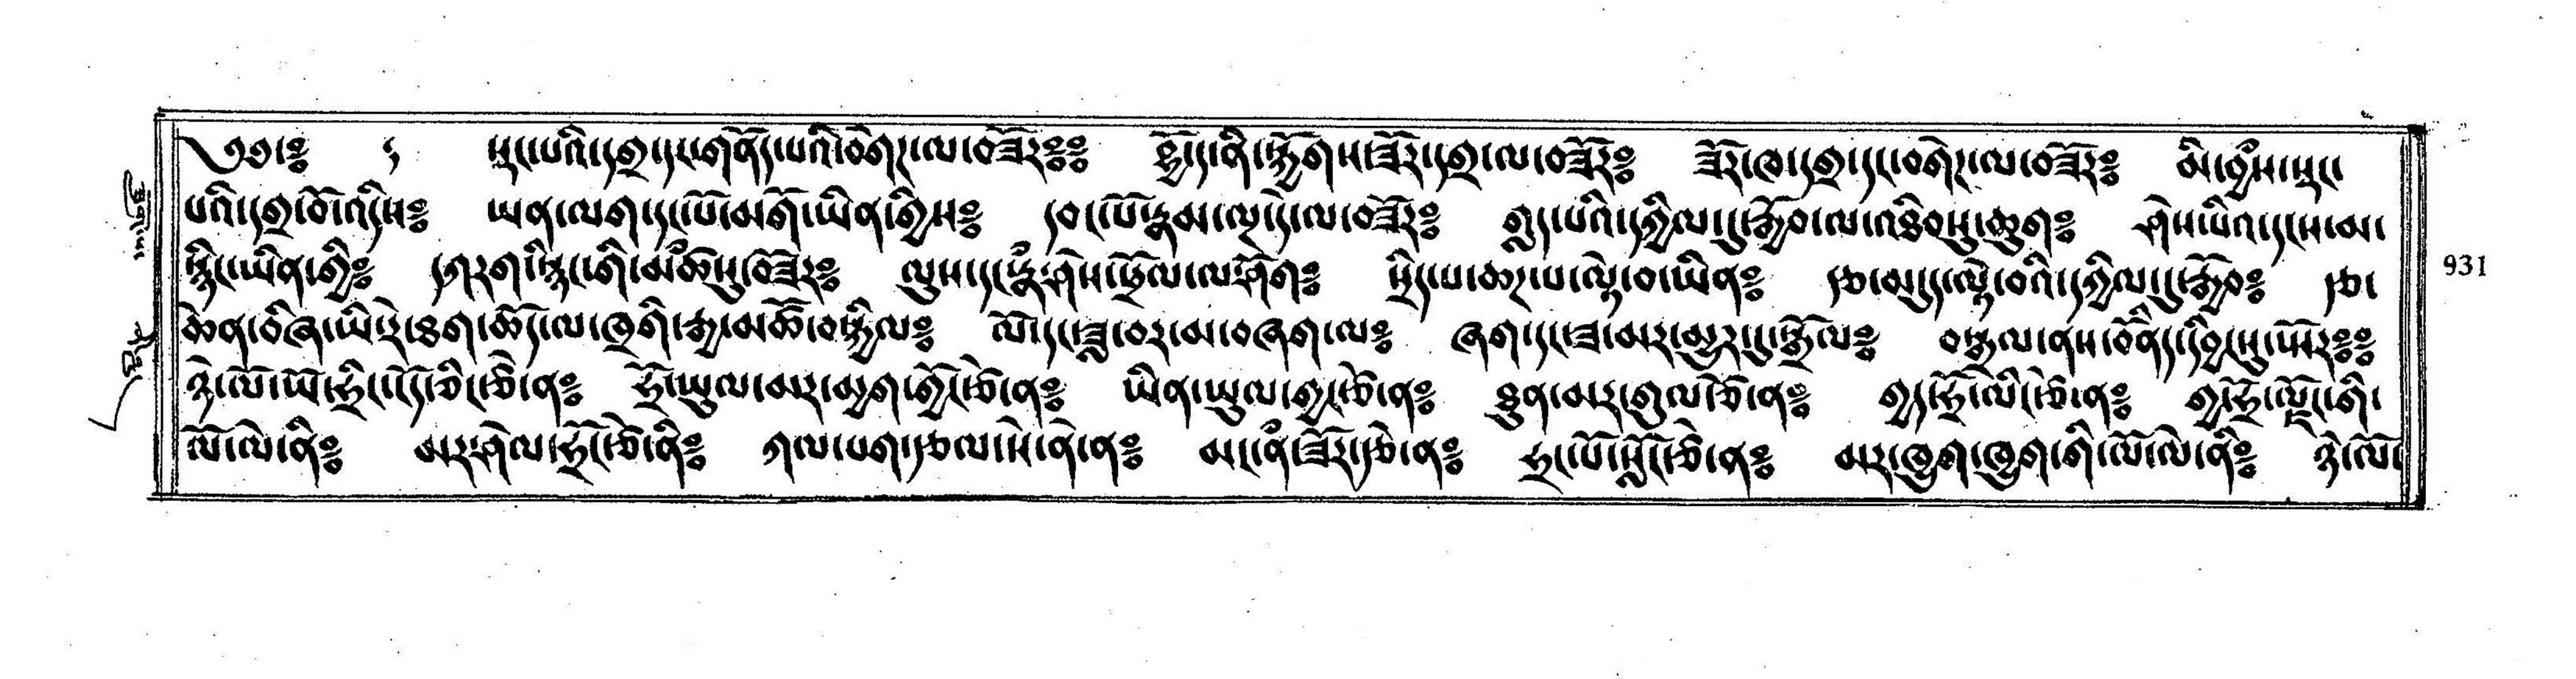སྡང་པའི་དགྲ་དང་གནོད་པའི་བགེགས་ལ་བཟོར༔༔ བྷྱོ་ད་ནི་སྐྱོགས་ཟོར་དགྲ་ལ་བཟོར༔ ཟོར་ཁ་དགྲ་དང་བགེགས་ལ་བཟོར༔ མི་བྱམས་སྡང་
པའི་དགྲ་བོ་འདིས༔ ཡན་ལག་དང་པོ་མགོ་ཡིན་གྱིས༔ དབང་པོ་རྣམ་ལྔ་དེ་ལ་བཟོར༔ གླད་པའི་དཀྱིལ་དུ་རྒྱོབ་ལ་འཐིབས་སུ་ཆུག༔ ཤེས་པའི་དངས་མ་
སྙིང་ཡིན་གྱི༔ དཀར་ནག་སྙིང་གི་མཚམས་སུ་བཟོར༔ ལུས་དང་རྣམ་ཤེས་ཕྲོལ་ལ་ཤོག༔ སྲིད་པ་ཆགས་པ་ལྟེ་བ་ཡིན༔ རྩ་མདུད་ལྟེ་བའི་དཀྱིལ་དུ་རྒྱོབ༔ རྩ་
ཆེན་བཞི་ཡི་རེ་ཐག་ཆོད་ལ་ཁྲག་གི་རྒྱ་མཚོ་བསྐྱིལ༔ ལོ་དང་ཟླ་བར་མ་བཞག་ལ༔ ཞག་དང་ཟ་མར་མྱུར་དུ་སྒྲོལ༔ བསྒྲལ་ནས་བོན་ཉིད་དབྱིངས་སུ་སྤོར༔༔ 
ཉེ་ལོ་ཡོ་ཧྲིང་ངོད་ཅིང་ཙེ་ན༔ ཧྲོ་ཡུལ་མར་མྱག་གྱོང་ཙེ་ན༔ ཡིན་ཡུལ་གྱང་ཙེ་ན༔ ཐུན་མར་གུལ་ཙེ་ན༔ གྱད་ཧྲོ་ལིང་ཙེ་ན༔ གྱ་ཧྲོ་ལྗོང་གི་
ལོ་ལེ་ནི༔ མར་ཤེལ་ཧྲོང་ཙེ་ནི༔ ཀལ་པག་རྩལ་སེ་ནེ་ན༔ མང་ནམ་ཟོར་རྩེ་ན༔ ཧྲང་པོ་སློང་ཙེ་ན༔ མར་ཁྱུག་ཁྱུག་གི་ལོ་ལེ་ནི༔ ཉེ་ལོ་